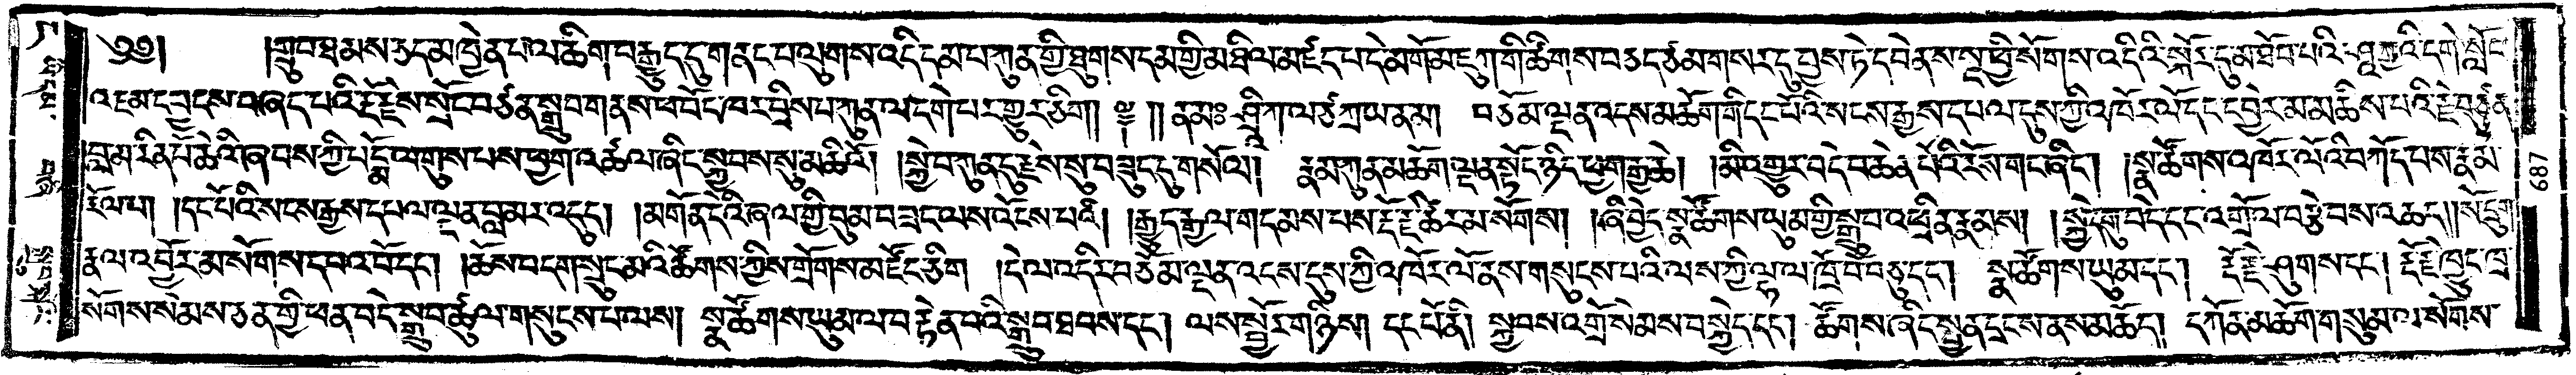༄༅། །གྲུབ་ཐམས་ཅད་མཁྱེན་པ་ལ་ཆིག་བརྒྱུད་དུ་གནང་བ་ལུགས་འདི་དམ་པ་ཀུན་གྱི་ཐུགས་དམ་གྱི་མཐིལ་མཛད་པ་དེ་མགོ་མཇུག་གི་ཚིགས་བཅད་ཙམ་གསར་དུ་བྱས་ཏེ་དབེན་ས་སྔ་ཕྱི་སོགས་འདིའི་སྐོར་དུ་མཐོབ་པའི་ཤཱཀྱའི་དགེ་སློང་
འཇམ་དབྱངས་བཞད་པའི་རྡོ་རྗེས་སྲོང་བཙན་སྒྲུབ་གནས་ཕ་བོང་ཁར་བྲིས་པ་ཀུན་ལ་དགེ་པར་གྱུར་ཅིག། ༈།། ན་མཿ ཤྲཱི་ཀ་ལ་ཙ་ཀྲ་ཡ་ནམ། བཅོམ་ལྡན་འདས་མཆོག་གི་དང་པོའི་སངས་རྒྱས་དཔལ་དུས་ཀྱི་འཁོར་ལོ་དང་དབྱེར་མ་མཆིས་པའི་རྗེ་བཙུན་
བླ་མ་རིན་པོ་ཆེའི་ཞབས་ཀྱི་པདམོ་ལ་གུས་པས་ཕྱག་འཚལ་ཞིང་སྐྱབས་སུ་མཆིའོ། །སྐྱེ་བ་ཀུན་དུ་རྗེས་སུ་བཟུང་དུ་གསོལ། རྣམ་ཀུན་མཆོག་ལྡན་སྟོང་ཉིད་ཕྱག་རྒྱ་ཆེ། །མི་འགྱུར་བདེ་བ་ཆེན་པོའི་རོས་གང་ཞིང་། །སྣ་ཚོགས་འཁོར་ལོའི་བཀོད་པས་རྣམ་
རོལ་པ། །དང་པོའི་སངས་རྒྱས་དཔལ་ལྡན་བླ་མར་འདུད། །མགོན་དེའི་ཞལ་གྱི་བུམ་བཟང་ལས་འོངས་པའི། །རྒྱུད་རྒྱལ་གདམས་པས་རྡོ་རྗེ་ཚེར་མ་སོགས། །ཞི་བྱེད་སྣ་ཚོགས་ཡུམ་གྱི་སྒྲུབ་འཕྲིན་རྣམས། །སྐྱེ་དགུ་བདེ་དང་འགྲོལ་བརྩེབས་འཆད། །སོ་དྲུག་
རྣལ་འབྱོར་མ་སོགས་དཔའ་བོ་དང་། །ཆོས་བདག་སྲུང་མའི་ཚོགས་ཀྱིས་གྲོགས་མཛོང་ཅིག །དེ་ལ་འདིར་བཅོམ་ལྡན་འདས་དུས་ཀྱི་འཁོར་ལོ་ནས་གསུངས་པའི་ལས་ཀྱི་ལྷ་ལ་ཁྲོ་བོ་བཅུ་དང་། སྣ་ཚོགས་ཡུན་དང་། རྡོ་རྗེ་ཤུགས་དང་། རྡོར་རྗེ་ཁྱུང་ཁྲ་
སོགས་སེམས་ཅན་གྱི་ཕན་བདེ་སྒྲུབ་ཚུལ་གསུངས་པ་ལས། སྣ་ཚོགས་ཡུམ་ལ་བརྟེན་པའི་སྒྲུབ་ཐབས་དང་། ལས་སྦྱོར་གཉིས། དང་པོ་ནི། སྐྱབས་འགྲོ་སེམས་བསྐྱེད་དང་། ཚོགས་ཞིང་སྤྱན་དྲངས་ནས་མཆོད། དཀོན་མཆོག་གསུམ་ལ་སོགས་